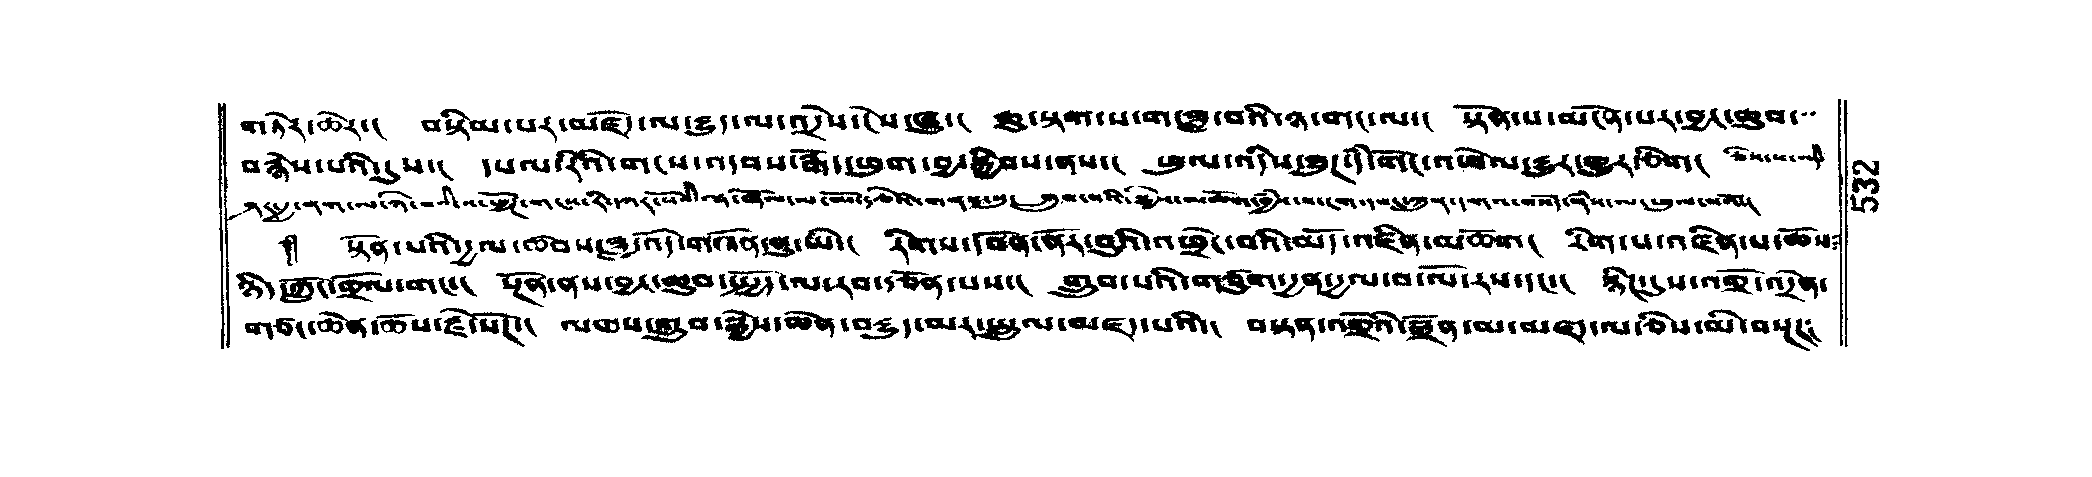གཏེར་ཆེར། །བསྟིམ་པར་མཛོད་ལ་རྒྱུད་ལ་འདྲེས་ངེས་ཞུ། །ཆུ་སྟག་ས་ག་ཟླ་བའི་ཉ་གང་ལ། །སྟོན་པ་མངོན་པར་བྱང་ཆུབ་
བརྙེས་པའི་དུས། །དཔལ་རིའི་གངས་འདབས་རྒོད་ཕུག་བྱ་སྐྱིབས་ནས། །ཕུལ་འདིས་ཐུགས་དམ་གོང་འཕེལ་རྒྱུར་གྱུར་ཅིག། ཅེས་པ་འདི་
ཤར་རྒྱ་ནག་ལ་ཉེ་བའི་ས་ཕྱོགས་གངས་རི་དཀར་པོའི་ལྷ་ཞོལ་ལ་མོ་རྩེའི་གནས་སུ། གྲུབ་པའི་སྐྱེས་མཆོག་བྱམས་པ་ངག་དབང་ཀུན་དགའ་བསོད་ནམས་ལ་ཕུལ་པའོ།། 
༈ སྟོན་པའི་རྒྱལ་ཚབ་ཟླ་འོད་གཞོན་ནུ་ཡི། །རིགས་དབོན་ནོར་བུའི་འཕྲེང་བའི་མདོ་འཛིན་མཆོག །རིག་པ་འཛིན་པ་ཆོས་
ཉིད་ཀློང་གྲོལ་གང་། །སྔོན་ནས་བྱང་ཆུབ་སྤྱོད་ལ་རབ་རྩོན་པས། །གྲུབ་པའི་གཙུག་རྒྱན་རྒྱལ་བ་ལོ་རས་དང་། །སྙིགས་དུས་་འགྲོ་འདྲེན་
གཙང་ཆེན་ཆོས་རྗེ་སོགས། །མཁས་གྲུབ་སྐྱེས་ཆེན་བརྒྱུད་མར་སྤྲུལ་མཛད་པའི། །བསྟན་འགྲོའི་སྒྲོན་མེ་མཛད་ལ་ཅིས་མི་བསྔགས།